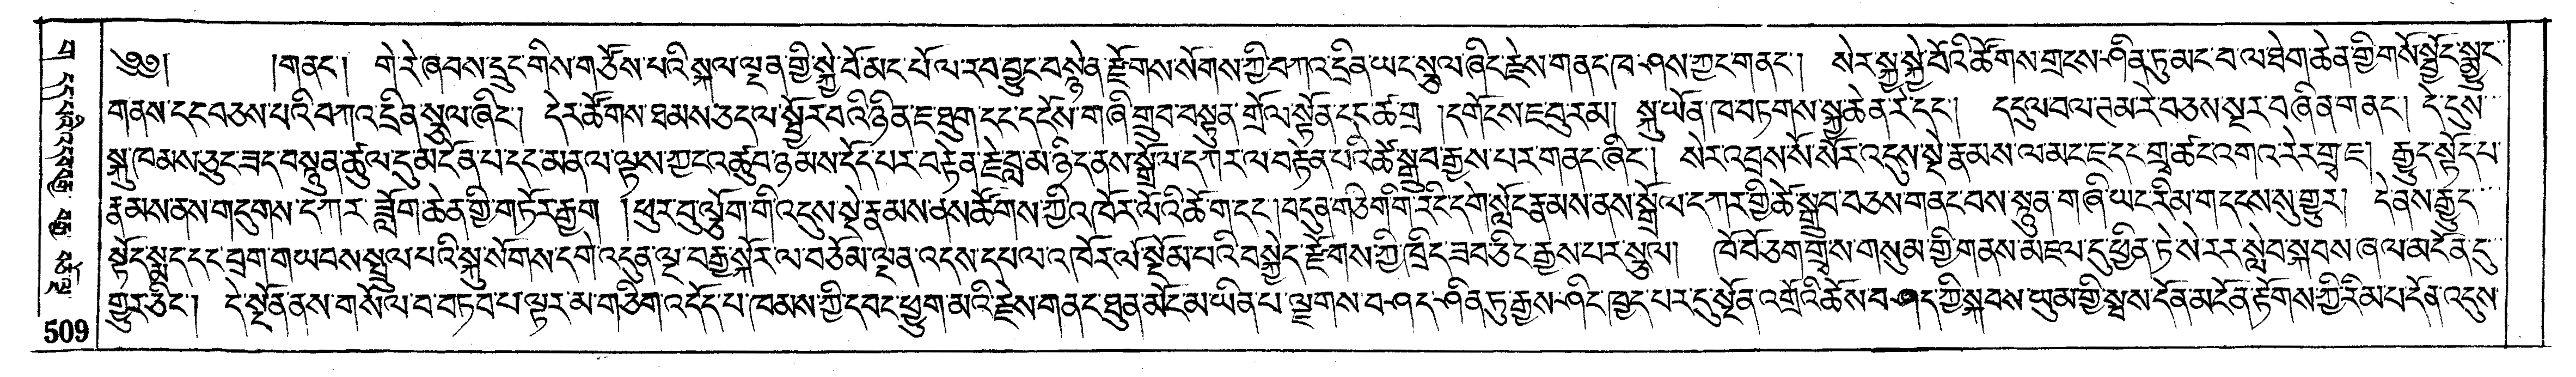༄༅། །གནང་། གེ་རེ་ཞབས་དྲུང་གིས་གཙོས་པའི་སྐལ་ལྡན་གྱི་སྐྱེ་བོ་མང་པོ་ལ་རབ་བྱུང་བསྙེན་རྫོགས་སོགས་ཀྱི་བཀའ་དྲིན་ཡང་སྩལ་ཞིང་རྗེས་གནང་ཁ་ཤས་ཀྱང་གནང་། སེར་སྐྱ་སྐྱེ་བོའི་ཚོགས་གྲངས་ཤིན་ཏུ་མང་བ་ལ་ཐེག་ཆེན་གྱི་གསོ་སྦྱོང་སྨྱུང་
གནས་དང་བཅས་བའི་བཀའ་དྲིན་སྩལ་ཞིང་། དེར་ཚོགས་ཐམས་ཅད་ལ་སྦྱོར་བའི་ཉིན་ཇ་ཐུག་དང་དངོས་གཞི་གྲུབ་བསྟུན་གྲོལ་སྟོན་དང་ཚ་གྲ་།དགོངས་ཇ་བུ་རམ། སྐུ་ཡོན་ཁ་བཏགས་སྐྱ་ཆེན་རེ་དང་། དངུལ་བལ་ཊམ་རེ་བཅས་སྔར་བཞིན་གནང་། དེ་དུས་
སྐུ་ཁམས་ཅུང་ཟད་བསྙུན་ཚུལ་དུ་མངོན་པ་དང་མནལ་ལྟས་ཀྱང་འཚུབ་ཉམས་དོད་པར་བརྟེན་རྗེ་བླ་མ་ཉིད་ནས་སྒྲོལ་དཀར་ལ་བརྟེན་པའི་ཚེ་སྒྲུབ་རྒྱས་པར་གནང་ཞིང་། སེར་འབྲས་སོ་སོར་འདུས་སྡེ་རྣམས་ལ་མང་ཇ་དང་གྲྭ་ཚང་འགའ་རེར་གྲྭ་ཇ། རྒྱུད་སྟོད་པ་
རྣམས་ནས་གདུགས་དཀར་ཟློག་ཆེན་གྱི་གཏོར་རྒྱག །ཕུར་བུ་ལྕོག་གི་འདུས་སྡེ་རྣམས་ནས་ཚོགས་ཀྱི་འཁོར་ལོའི་ཆོ་ག་དང་།བདུན་གཅིག་གི་རིང་དགེ་སློང་རྣམས་ནས་སྒྲོལ་དཀར་གྱི་ཚེ་སྒྲུབ་བཅས་གནང་བས་སྙུན་གཞི་ཡང་རིམ་གདངས་སུ་གྱུར། དེ་ནས་རྒྱུད་
སྟོད་སྨད་དང་བྲག་གཡབས་སྤྲུལ་པའི་སྐུ་སོགས་དགེ་འདུན་ལྔ་བརྒྱ་སྐོར་ལ་བཅོམ་ལྡན་འདས་དཔལ་འཁོར་ལོ་སྡོམ་པའི་བསྐྱེད་རྫོགས་ཀྱི་ཁྲིད་ཟབ་ཅིང་རྒྱས་པར་སྩལ། ཁོ་བོ་ཅག་གྲྭས་གསུམ་གྱི་གནས་མཇལ་དུ་ཕྱིན་ཏེ་སེ་རར་སླེབ་སྐབས་ཞལ་མངོན་དུ་
གྱུར་ཅིང་། དེ་སྔོན་ནས་གསོལ་བ་བཏབ་པ་ལྟར་མ་གཅིག་འདོད་པ་ཁམས་ཀྱི་དབང་ཕྱུག་མའི་རྗེས་གནང་ཐུན་མོང་མ་ཡིན་པ་ལྗགས་བཤད་ཤིན་ཏུ་རྒྱས་ཤིང་ཁྱད་པར་དུ་སྔོན་འགྲོའི་ཆོས་བཤད་ཀྱི་སྐབས་ཡུམ་གྱི་སྤས་དོན་མངོན་རྟོགས་ཀྱི་རིམ་པ་དོན་འདུས་